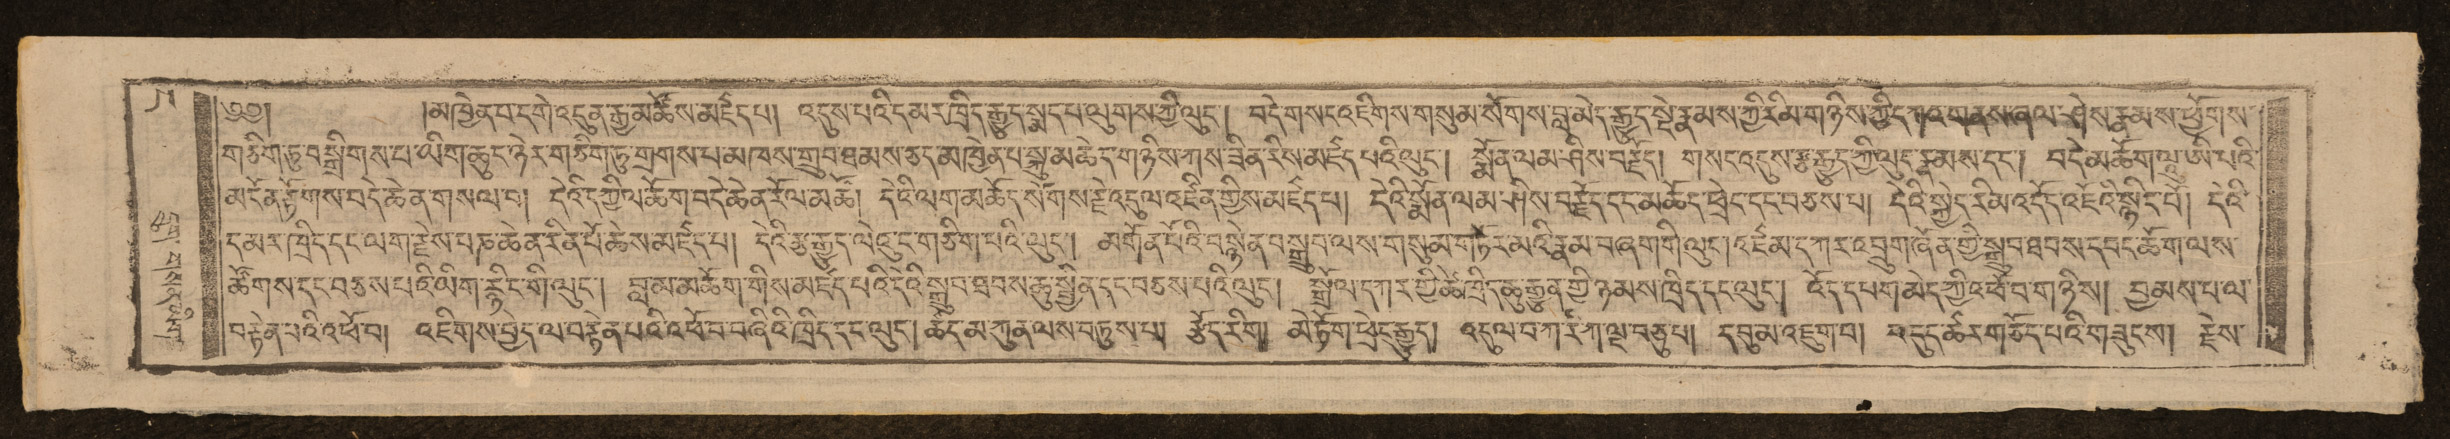༄༅། །མཁྱེན་པ་དགེ་འདུན་རྒྱ་མཚོས་མཛད་པ། འདུས་པའི་དམར་ཁྲིད་རྒྱུད་སྨད་པ་ལུགས་ཀྱི་ལུང་། བདེ་གསང་འཇིགས་གསུམ་སོགས་བླ་མེད་རྒྱུད་སྡེ་རྣམས་ཀྱི་རིམ་གཉིས་ཀྱི་དཀའ་གནས་ཞལ་ཤེས་རྣམས་ཕྱོགས་
གཅིག་ཏུ་བསྒྲིགས་པ་ཡིག་ཆུང་ཉེར་གཅིག་ཏུ་གྲགས་པ་མཁས་གྲུབ་ཐམས་ཅད་མཁྱེན་པ་སྐུ་མཆེད་གཉིས་ཀས་ཟིན་རིས་མཛད་པའི་ལུང་། སྨོན་ལམ་ཤིས་བརྗོད། གསང་འདུས་རྩ་རྒྱུད་ཀྱི་ལུང་རྣམས་དང་། བདེ་མཆོག་ལཱུ་ཨི་པའི་
མངོན་རྟོགས་བདེ་ཆེན་གསལ་བ། དེའི་དཀྱིལ་ཆོག་བདེ་ཆེན་རོལ་མཚོ། དེའི་ལག་མཆོད་སོགས་རྗེ་འདུལ་འཛིན་གྱིས་མཛད་པ། དེའི་སྨོན་ལམ་ཤིས་བརྗོད་དང་མཆོད་ཕྲེང་དང་བཅས་པ། དེའི་སྐྱེད་རིམ་འདོད་འཇོའི་སྙིང་བོ། དེའི་
དམར་ཁྲིད་དང་ལག་རྗེས་པཎ་ཆེན་རིན་པོ་ཆེས་མཛད་པ། དེའི་རྩ་རྒྱུད་ལེའུ་ང་གཅིག་པའི་ལུང་། མགོན་པོའི་བསྙེན་བསྒྲུབ་ལས་གསུམ་གཏོར་མའི་རྣམ་བཞག་གི་ལུང་། འཛམ་དཀར་འབྲུག་ཞོན་གྱི་སྒྲུབ་ཐབས་དབང་ཆོག་ལས་
ཚོགས་དང་བཅས་པའི་ཡིག་རྙིང་གི་ལུང་། བླ་མ་མཆོག་གིས་མཛད་པའི་དེའི་སྒྲུབ་ཐབས་ཆུ་སྦྱིན་དང་བཅས་པའི་ལུང་། སྒྲོལ་དཀར་གྱི་ཚེ་ཁྲིད་ཆུ་རྒྱུན་གྱི་ཉམས་ཁྲིད་དང་ལུང་། འོད་དཔག་མེད་ཀྱི་འཕོ་བ་གཉིས། བྱམས་པ་ལ་
བརྟེན་པའི་འཕོ་ལ། འཇིགས་བྱེད་ལ་བརྟེན་པའི་འཕོ་བ་བཞིའི་ཁྲིད་དང་ལུང་། ཚད་མ་ཀུན་ལས་བཏུས་པ། རྩོད་རིག། མེ་ཏོག་ཕྲེང་རྒྱུད། འདུལ་བ་ཀ་རི་ཀ་ལྔ་བཅུ་པ། དབུ་མ་འཇུག་པ། བདུད་ཚར་གཅོད་པའི་གཟུངས། རྗེས་